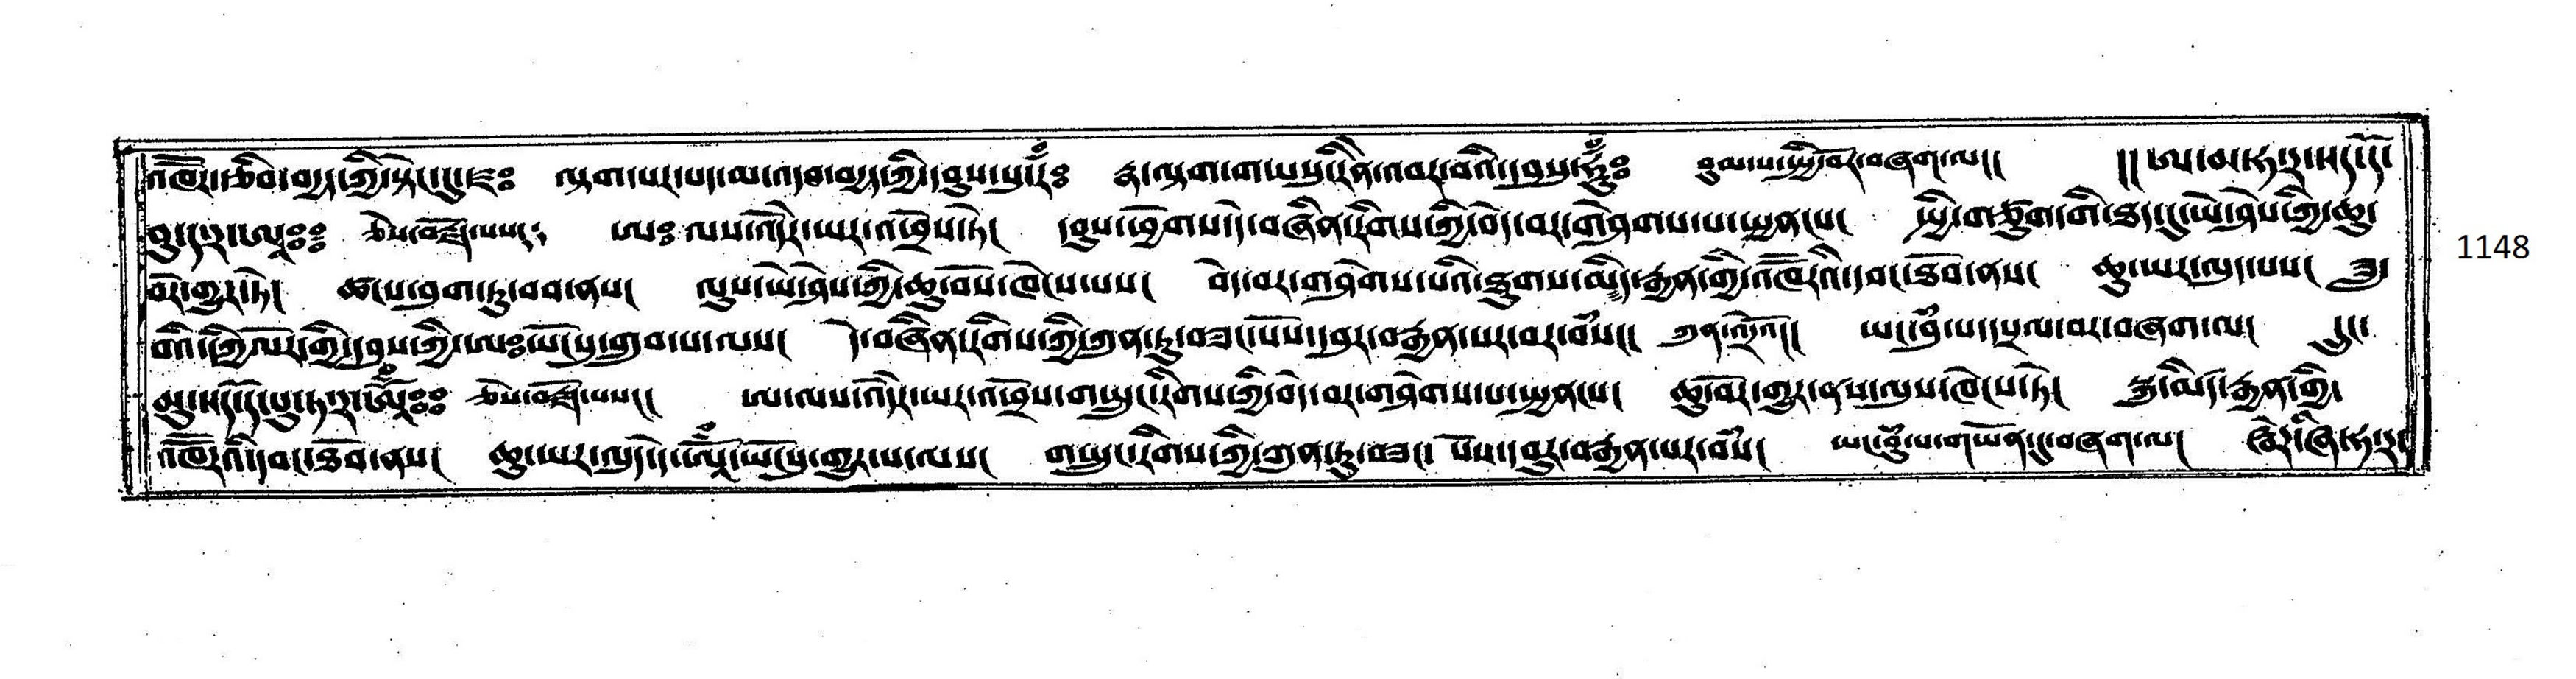འཁོར་ལོ་རྩིབ་བརྒྱད་ཀྱི་སྟེང་དུ་ཛཿ ལྟག་པར་པད་མ་འདབ་བརྒྱད་ཀྱི་དབུས་སུ་རྃཿ རྣ་ལྟག་གཡས་སུ་རིན་ཆེན་འབར་བའི་དབུས་སུ་ཧཱུྃཿ བུམ་པ་སྤྱི་བོར་བཞག་ལ།། །ཨ་མ་ཧ་ར་སད་དོ་
བུ་ད་ར་ཨཱཿ༔ ཅེས་བརྗོད་པས།། ཨཿལས་འོད་ཟེར་ཡར་འཕྲོས་ཏེ། དབུས་ཕྱོགས་དེ་བཞིན་རིགས་ཀྱི་བདེ་བར་གཤེགས་པ་སྤྱན་དྲངས། སྤྱི་གཙུག་གི་ཐད་དུ་ཡེ་ཤེས་ཀྱི་ཆུ
བོར་གྱུར་ཏེ། ཚངས་བུག་ཏུ་བབ་ནས། ལུས་ཡེ་ཤེས་ཀྱི་ཆུ་བོས་ཁེངས་པས། བདེ་བར་གཤེགས་པའི་ཐུགས་མི་ཟད་རྒྱན་གྱི་འཁོར་ལོའི་དབང་ཐོབ་ནས། ཆུ་ཡར་ལུད་པས། ཟླ་
བའི་དཀྱིལ་འཁོར་གྱི་དབུས་ཀྱི་ཨཿཡོངས་སུ་གྲུབ་པ་ལས། དེ་བཞིན་རིགས་ཀྱི་ཀུན་ཏུ་བཟང་པོས་དབུར་བརྒྱན་པར་བསམ། ཀུན་འདྲེའོ།། ཡང་བུམ་པ་དཔྲལ་བར་བཞག་ལ། དྲུང་
མུ་སད་དོ་པུ་ཏ་ར་ཨཱོཾཿ༔ ཅེས་བརྗོད་པས།། ཨ་ལས་འོད་ཟེར་ཡར་འཕྲོས་གཡུང་དྲུང་རིགས་ཀྱི་བདེ་བར་གཤེགས་པ་སྤྱན་དྲངས། ཆུ་བོར་གྱུར་ནས་ལུས་ཁེངས་ཏེ། སྐུ་མི་ཟད་རྒྱན་གྱི་
འཁོར་ལོའི་དབང་ཐོབ་ནས། ཆུ་ཡར་ལུད་དེ་ཨཱོཾ་ཡོངས་སུ་གྱུར་པ་ལས། གཡུང་དྲུང་རིགས་ཀྱི་ཀུན་ཏུ་བཟང་པོས་དབུར་བརྒྱན་པར་བསམ། ཡང་བུམ་པ་གཡོན་དུ་བཞག་ལ། ཝེར་ཞི་ཧ་ར་